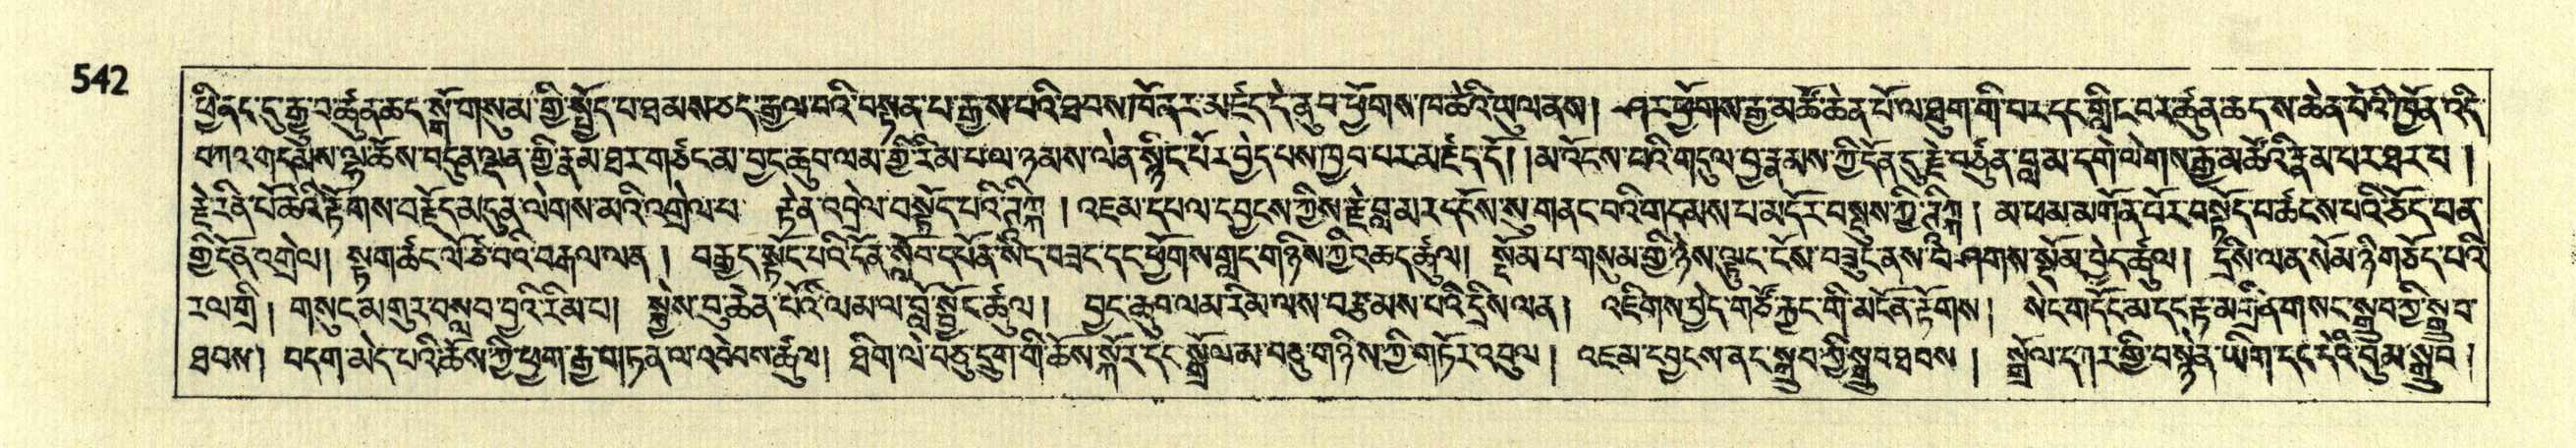ཕྱི་ནང་དུ་རྒྱུ་བ་ཚུན་ཆད་སྒོ་གསུམ་གྱི་སྤྱོད་པ་ཐམས་ཅད་རྒྱལ་བའི་བསྟན་པ་རྒྱས་པའི་ཐབས་ཁོ་ནར་མཛད་དེ་ནུབ་ཕྱོགས་ཁ་ཆེའི་ཡུལ་ནས། ཤར་ཕྱོགས་རྒྱ་མཚོ་ཆེན་པོ་ལ་ཐུག་གི་བར་དང་གླིང་བར་ཚུན་ཆད་ས་ཆེན་པོའི་ཁྱོན་འདི་
བཀའ་གདམས་ལྷ་ཆོས་བདུན་ལྡན་གྱི་རྣམ་ཐར་གཙང་མ་བྱང་ཆུབ་ལམ་གྱི་རིམ་པ་ལ་ཉམས་ལེན་སྙིང་པོར་བྱེད་པས་ཁྱབ་པར་མཛད་དོ། །མ་འོངས་པའི་གདུལ་བྱ་རྣམས་ཀྱི་དོན་དུ་རྗེ་བཙུན་བླ་མ་དགེ་ལེགས་རྒྱ་མཚོའི་རྣམ་པར་ཐར་པ།
རྗེ་རིན་པོ་ཆེའི་རྟོགས་བརྗོད་མདུན་ལེགས་མའི་འགྲེལ་པ་རྟེན་འབྲེལ་བསྟོད་པའི་ཊཱིཀྐ། འཇམ་དཔལ་དབྱངས་ཀྱིས་རྗེ་བླ་མར་དངོས་སུ་གནང་བའི་གདམས་པ་མདོར་བསྡུས་ཀྱི་ཊཱིཀྐ། མ་ཕམ་མགོན་པོར་བསྟོད་པ་ཚངས་པའི་ཅོད་པན་
གྱི་དོན་འགྲེལ། སྟག་ཚང་ལོ་ཙ་བའི་བརྒལ་ལན། བརྒྱད་སྟོང་པའི་དོན་སློབ་དཔོན་སེང་བཟང་དང་ཕྱོགས་གླང་གཉིས་ཀྱི་འཆད་ཚུལ། སྡོམ་པ་གསུམ་གྱི་ཉེས་ལྟུང་ངོས་བཟུང་ནས་བཤགས་སྡོམ་བྱེད་ཚུལ། དྲིས་ལན་སོམ་ཉི་གཅོད་པའི་
རལ་གྲི། གསུང་མགུར་བསླབ་བྱའི་རིམ་པ། སྐྱེས་བུ་ཆེན་པོའི་ལམ་ལ་བློ་སྦྱོང་ཚུལ། བྱང་ཆུབ་ལམ་རིམ་ལས་བརྩམས་པའི་དྲིས་ལན། འཇིགས་བྱེད་གཙོ་རྐྱང་གི་མངོན་རྟོགས། སེང་གདོང་མ་དང་རྟ་མགྲིན་གསང་སྒྲུབ་ཀྱི་སྒྲུབ་
ཐབས། བདག་མེད་པའི་ཆོས་ཀྱི་ཕྱག་རྒྱ་གཏན་ལ་འབེབས་ཚུལ། ཐིག་ལེ་བཅུ་དྲུག་གི་ཆོས་སྐོར་དང་སྒྲོལ་མ་བཅུ་གཉིས་ཀྱི་གཏོར་འབུལ། འཇམ་དབྱངས་ནང་སྒྲུབ་ཀྱི་སྒྲུབ་ཐབས། སྒྲོལ་དཀར་གྱི་བསྙེན་ཡིག་དང་དེའི་བུམ་སྒྲུབ།